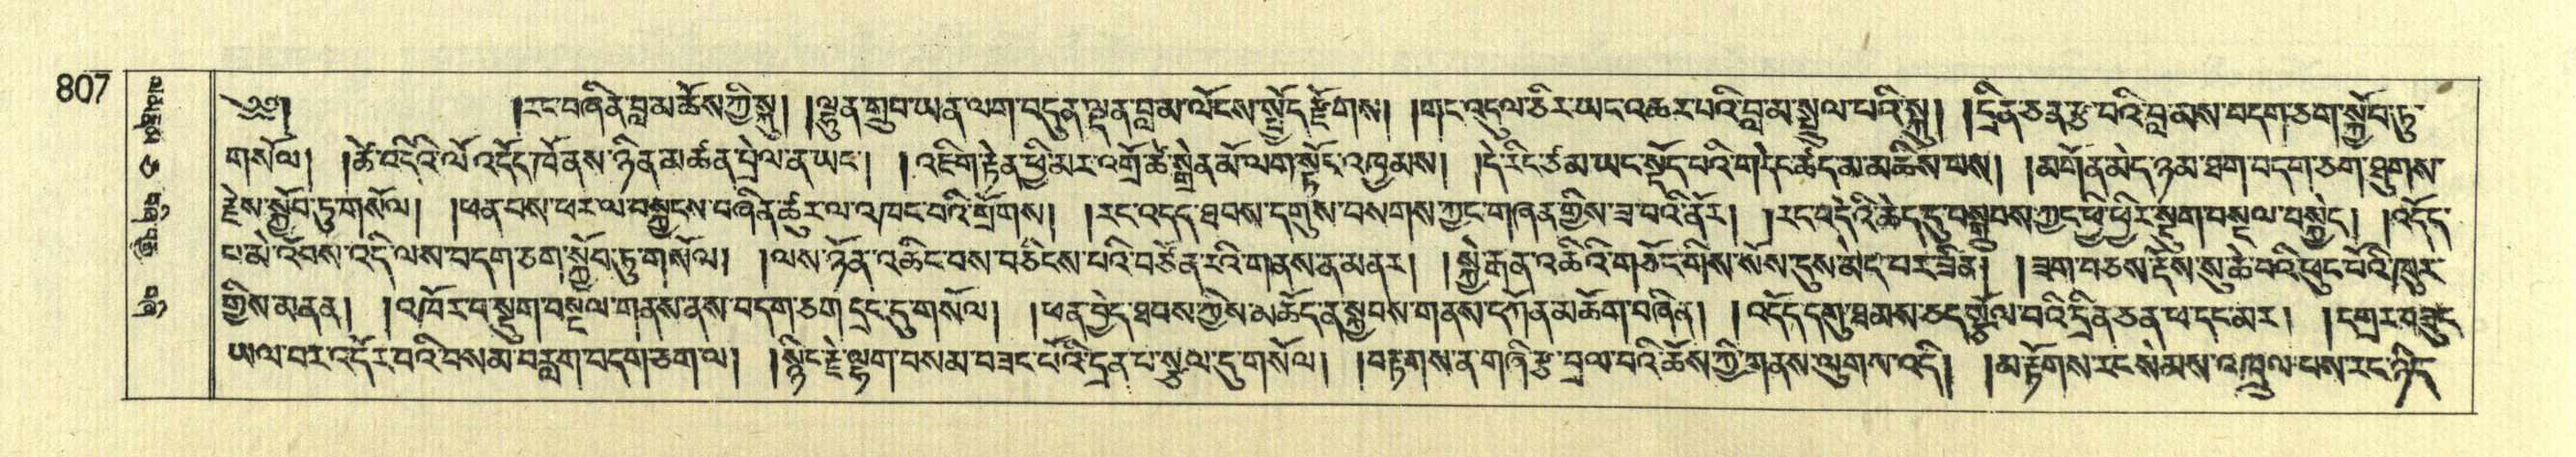༄༅། །རང་བཞིན་བླ་མ་ཆོས་ཀྱི་སྐུ། །ལྷུན་གྲུབ་ཡན་ལག་བདུན་ལྡན་བླ་མ་ལོངས་སྤྱོད་རྫོགས། །གང་འདུལ་ཅིར་ཡང་འཆར་པའི་བླ་མ་སྤྲུལ་པའི་སྐུ། །དྲིན་ཅན་རྩ་བའི་བླ་མས་བདག་ཅག་སྐྱོབ་ཏུ་
གསོལ། །ཚེ་འདིའི་ལོ་འདོད་ཁོ་ནས་ཉིན་མཚན་བྲེལ་ན་ཡང་། །འཇིག་རྟེན་ཕྱི་མར་འགྲོ་ཚེ་སྒྲེན་མོ་ལག་སྟོང་འཁྱམས། །དེ་རིང་ཙམ་ཡང་སྡོད་པའི་གདེང་ཚད་མ་མཆིས་པས། །མགོན་མེད་ཉམ་ཐག་བདག་ཅག་ཐུགས་
རྗེས་སྐྱོབ་ཏུ་གསོལ། །ཕན་པས་ཕར་ལ་བསྐྱངས་བཞིན་ཚུར་ལ་འཁང་བའི་གྲོགས། །རང་འདད་ཐབས་དགུས་བསགས་ཀྱང་གཞན་གྱིས་ཟ་བའི་ནོར། །རང་བདེའི་ཆེད་དུ་བསྒྲུབས་ཀྱང་ཕྱི་ཕྱིར་སྡུག་བསྔལ་བསྐྱེད། །འདོད་
པ་མེ་འོབས་འདི་ལས་བདག་ཅག་སྐྱོབ་ཏུ་གསོལ། །ལས་ཉོན་འཆིང་བས་བཅིངས་པའི་བཙོན་རའི་གནས་ན་མནར། །སྐྱེ་རྒན་འཆིའི་གཅོང་གིས་སོས་དུས་མེད་པར་ཟིན། །ཟག་བཅས་རྡོས་སུ་ཆེ་བའི་ཕུང་པོའི་ཁུར་
གྱིས་མནན། །འཁོར་བ་སྡུག་བསྔལ་གནས་ནས་བདག་ཅག་དྲང་དུ་གསོལ། །ཕན་བྱེད་ཐབས་ཀྱིས་མཆོད་ན་སྐྱབས་གནས་དཀོན་མཆོག་བཞིན། །འདོད་དགུ་ཐམས་ཅད་སྩོལ་བའི་དྲིན་ཅན་ཕ་དང་མར། །དགྲར་བཟུང་
ཡལ་བར་འདོར་བའི་བསམ་བརླག་བདག་ཅག་ལ། །སྙིང་རྗེ་ལྷག་བསམ་བཟང་པོའི་དྲིན་པ་སྩལ་དུ་གསོལ། །བརྟགས་ན་གཞི་རྩ་བྲལ་བའི་ཆོས་ཀྱི་གནས་ལུགས་འདི། །མ་རྟོགས་རང་སེམས་འཁྲུལ་པས་རང་ཉིད་